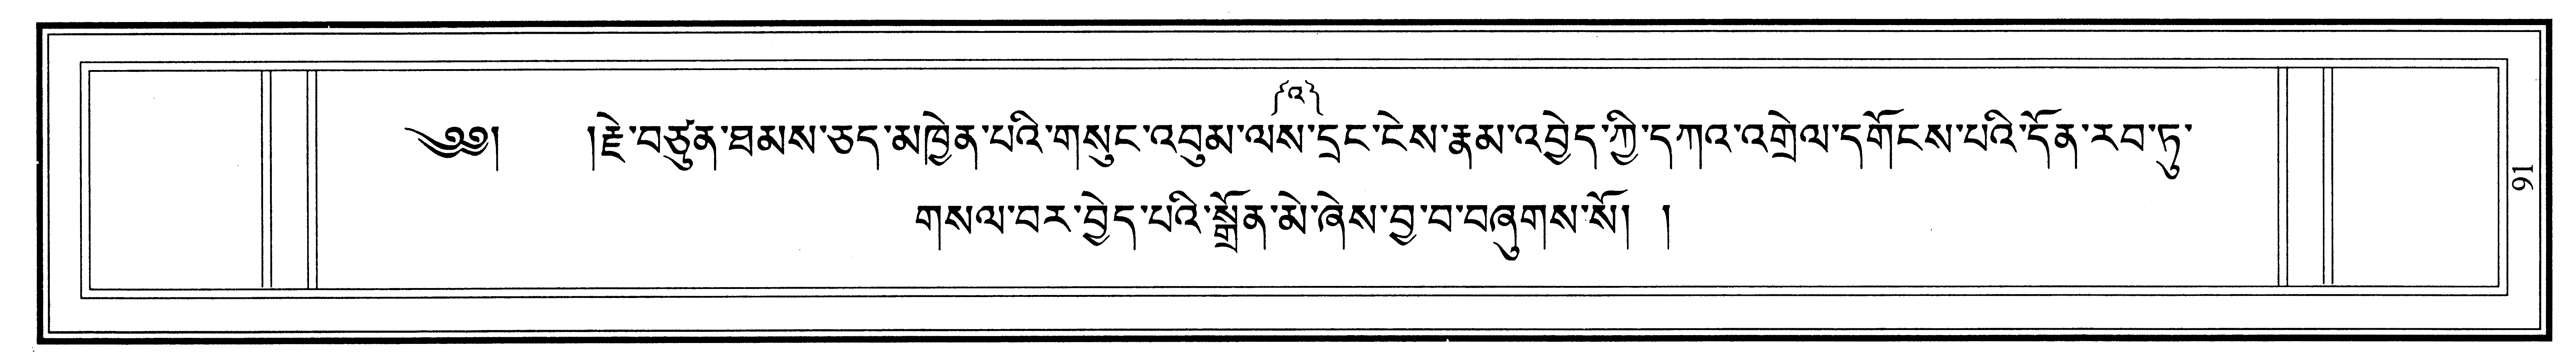༄༅། །རྗེ་བཙུན་ཐམས་ཅད་མཁྱེན་པའི་གསུང་འབུམ་ལས་དྲང་ངེས་རྣམ་འབྱེད་ཀྱི་དཀའ་འགྲེལ་དགོངས་པའི་དོན་རབ་ཏུ་གསལ་བར་བྱེད་པའི་སྒྲོན་མེ་ཞེས་བྱ་བ་བཞུགས་སོ། །